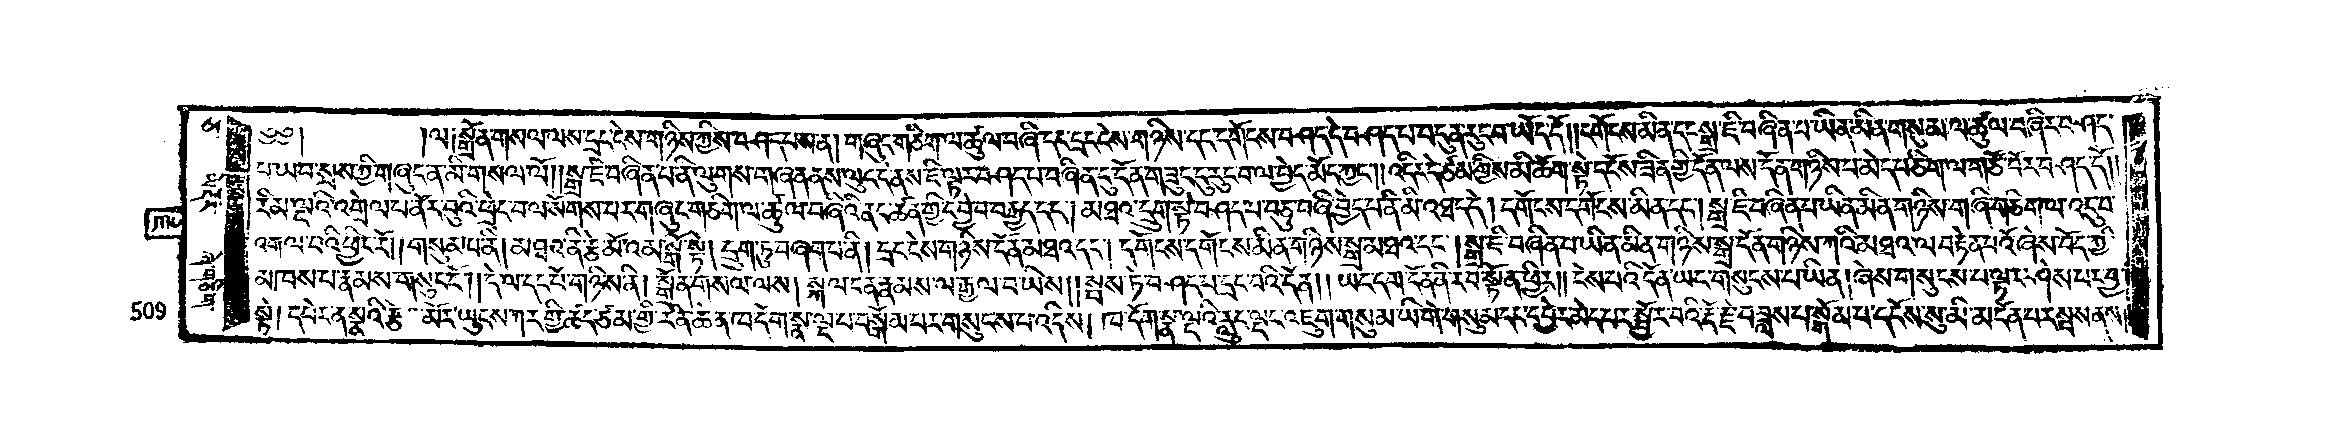༄༅། །ལ། སྒྲོན་གསལ་ལས་དྲང་ངེས་གཉིས་ཀྱིས་བཤད་པས་ན། གཞུང་གཅིག་ལ་ཚུལ་བཞི་དང་དྲང་ངེས་གཉིས་དང་དགོངས་བཤད་དེ་བཤད་པ་བདུན་རུང་བ་ཡོད་དོ། །དགོངས་མིན་དང་སྒྲ་ཇི་བཞིན་པ་ཡིན་མིན་གསུམ་ལ་ཚུལ་བཞིར་བཤད་
པ་ཡབ་སྲས་ཀྱི་གཞུང་ན་མི་གསལ་ལོ། །སྒྲ་ཇི་བཞིན་པ་ནི་ལུགས་གཞན་ནས་ལུང་དེ་ནས་ཇི་ལྟར་བཤད་པ་བཞིན་དུ་དོན་གཟུང་དུ་རུང་བ་ལ་བྱེད་མོད་ཀྱང་། །འདིར་དེ་ཙམ་གྱིས་མི་ཆོག་སྟེ་དངོས་ཟིན་གྱི་དོན་ལས་དོན་གཉིས་པ་མེད་པ་ཅིག་ལ་གཙོ་བོར་བཤད་དོ།།
རིམ་ལྔའི་འགྲེལ་པ་ནོར་བུའི་ཕྲེང་བ་ལ་སོགས་པར་གཞུང་གཅིག་ལ་ཚུལ་བཞིའི་ནང་ཚན་གྱི་དབྱེ་བ་བརྒྱད་དང་། མཐའ་དྲུག་སྟེ་བཤད་པ་བཅུ་བཞི་བྱེད་པ་ནི་མི་འཐད་དེ། དགོངས་དགོངས་མིན་དང་། སྒྲ་ཇི་བཞིན་པ་ཡིན་མིན་གཉིས་གཞི་གཅིག་ལ་འདུ་བ་
འགལ་བའི་ཕྱིར་རོ། །གསུམ་པ་ནི། མཐའ་ནི་རྩེ་མོ་འམ་སྒོ་སྟེ། དྲུག་ཏུ་བཞག་པ་ནི། དྲང་ངེས་གཉིས་དོན་མཐའ་དང་། དགོངས་དགོངས་མིན་གཉིས་སྒྲ་མཐའ་དང་། སྒྲ་ཇི་བཞིན་པ་ཡིན་མིན་གཉིས་སྒྲ་དོན་གཉིས་ཀའི་མཐའ་ལ་བརྟེན་པའོ་ཞེས་བོད་ཀྱི་
མཁས་པ་རྣམས་གསུང་ངོ། །དེ་ལ་དང་པོ་གཉིས་ནི། སྒྲོན་གསལ་ལས། སྐལ་ངན་རྣམས་ལ་རྒྱལ་བ་ཡིས། །སྦས་ཏེ་བཤད་པ་དྲང་བའི་དོན། །ཡང་དག་དོན་ནི་རབ་སྟོན་ཕྱིར། །ངེས་པའི་དོན་ཡང་གསུངས་པ་ཡིན། ཞེས་གསུངས་པ་ལྟར་ཤེས་པར་བྱ་
སྟེ། དཔེར་ན་སྣའི་རྩེ་མོར་ཡུངས་ཀར་གྱི་ཚད་ཙམ་གྱི་རིན་ཆེན་ཁ་དོག་སྣ་ལྔ་པ་བསྒོམ་པར་གསུངས་པ་འདིས། ཁ་དོག་སྣ་ལྔའི་རླུང་ལྡང་འཇུག་གསུམ་ཡི་གེ་གསུམ་དང་དབྱེར་མེད་པར་སྦྱོར་བའི་རྡོ་རྗེ་བཟླས་པ་སྒོམ་པ་དངོས་སུ་མི་མངོན་པར་སྲས་ནས་